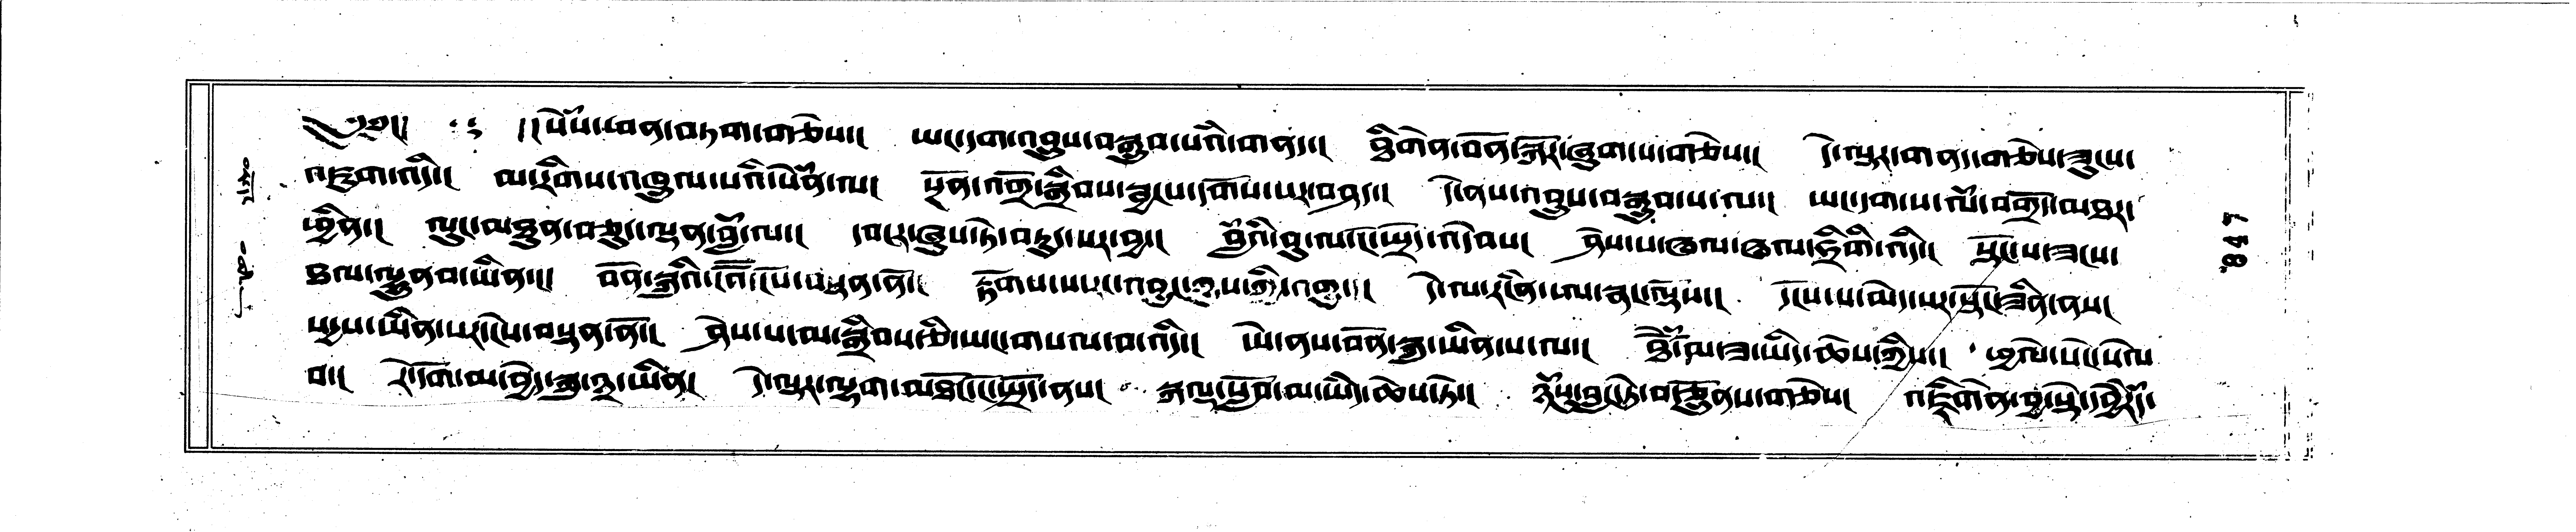སེམས་ཕན་བཏགས་གཅེས། །ཡང་དག་འབྲས་བུ་བསྒྲུབ་པའི་གནད། །ཐེག་ཆེན་བོན་སྐོར་༼སྒོར༽ཞུགས་པར་གཅེས། །དེ་ལྟར་གནད་གཅེས་ཟུང་
འཇུག་འདི། །མ་རིག་འཁྲུལ་པའི་སེམས་ཅན་ལ། །སྔོན་འགྲོ་སྒྲིབ་སྦྱང་དགོས་པར་བཤད། །དེ་ནས་འབྲས་བུ་བསྒྲུབ་པ་ལ། །ཡང་དག་ས་ལམ་བགྲོད་མཐར་
ཕྱིན། །ལུང་མཐུན་བཅུད་ལྡན་བླ་མ་ལ། །དབང་བསྐུར་་ཞུས་ཏེ་བཏུད་པར་བྱ། །བླ་མས་བུ་ལ་ངོ་སྤྲོད་འདེབས། །ཤེས་པ་ཝལ་ཝལ་ཧྲིག་ཧྲིག་འདི། །སྟོང་པ་ཟང་
ཐལ་ལྷུན་གྲུབ་ཡིན། །བོན་སྐུའི་ངོའོ་ངས་བསྟན་ནོ། །རྟོག་པ་རང་འབྱུང་དཀྱུས་ཀྱིས་འགྱུ། །དེ་ལ་རང་བཞིན་ཨ་སྣང་ལྟོས། །དངོས་པོ་མེད་པར་སྟོང་ཟིན་ནས། 
།སངས་རྒྱས་ཡིན་པར་ངེས་བསྟན་ནོ། །ཤེས་པ་མ་བསྒྲིབས་ཅི་ཡང་གསལ་བ་འདི། །ཡེ་ནས་བོན་སྐུ་ཡིན་པ་ལ། །ཐེ་ཚོམ་མ་ཟ་ཡིད་ཆེས་ཀྱིས། །ཕྱལ་ལེ་སང་ངེ་སལེ་
བ། །རེ་དོགས་མ་བྱེད་སྐུ་གསུམ་ཡིན། །དེ་ལྟར་ལྷག་མཐོང་ངོ་སྤྲོད་ནས། །སྐལ་ལྡན་སློབ་མ་ཡིད་ཆེས་ཏེ། །ཉམས་སུ་བླང་ཏེ་བརྩོན་འགྲུས་གཅེས། །འཇིག་རྟེན་བྱ་སྟེ་དབྱེར་མེད་